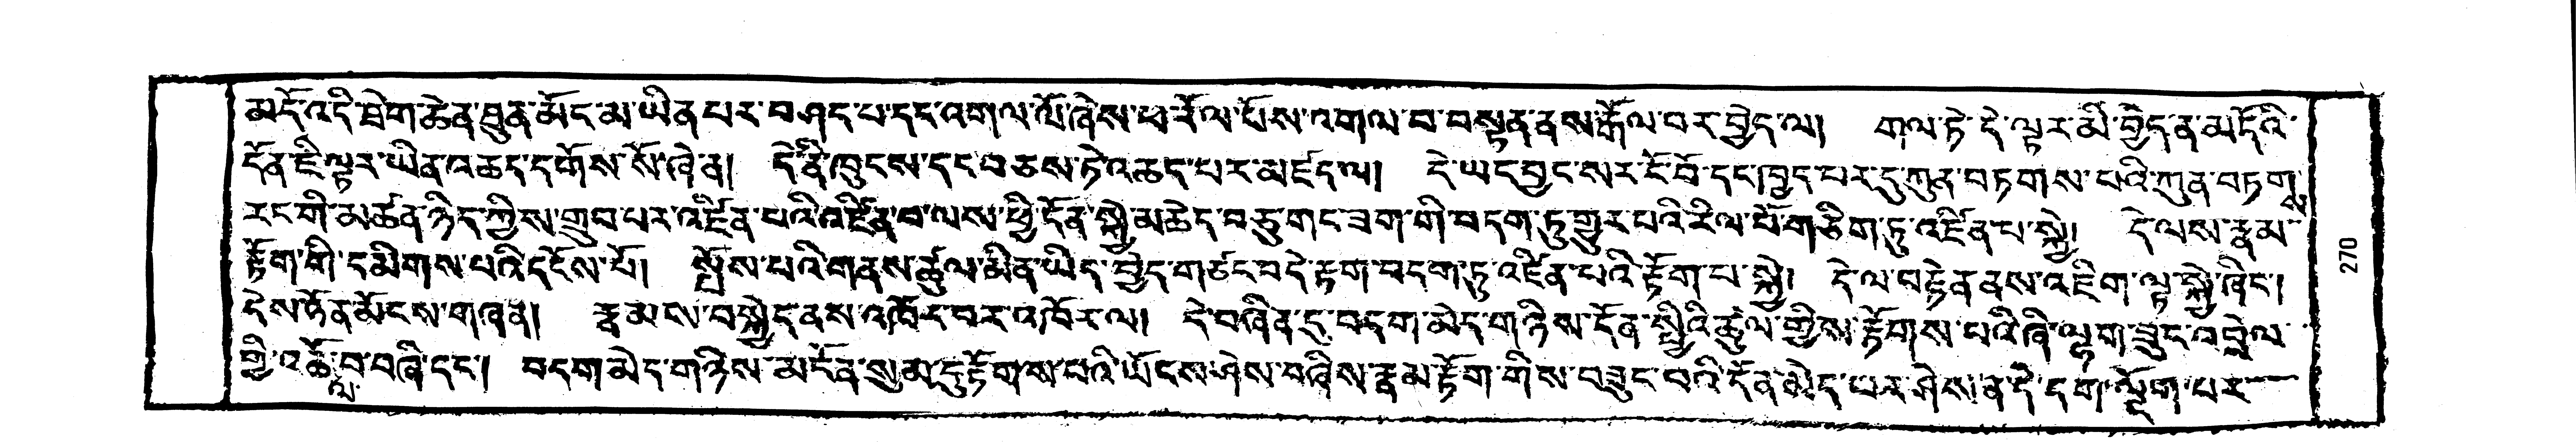མདོ་འདི་ཐེག་ཆེན་ཐུན་མོང་མ་ཡིན་པར་བཤད་པ་དང་འགལ་ལོ་ཞེས་ཕ་རོལ་པོས་འགལ་བ་བསྟན་ནས་རྒོལ་བར་བྱེད་ལ། གལ་ཏེ་དེ་ལྟར་མི་བྱེད་ན་མདོའི་
དོན་ཇི་ལྟར་ཡིན་འཆད་དགོས་སོ་ཞེ་ན། དེ་ནི་ཁུངས་དང་བཅས་ཏེ་འཆད་པར་མཛད་ལ། དེ་ཡང་བྱང་སར་ངོ་བོ་དང་ཁྱད་པར་དུ་ཀུན་བཏགས་པའི་ཀུན་བཏགས་
རང་གི་མཚན་ཉིད་ཀྱིས་གྲུབ་པར་འཛིན་པའི་འཛིན་བ་ལས་ཕྱི་དོན་སྐྱེ་མཆེད་བཅུ་གང་ཟག་གི་བདག་ཏུ་གྱུར་པའི་རིལ་པོ་གཅིག་ཏུ་འཛིན་པ་སྐྱེ། དེ་ལས་རྣམ་
རྟོག་གི་དམིགས་པའི་དངོས་པོ། སྤོས་པའི་གནས་ཚུལ་མིན་ཡིད་བྱེད་གཙང་བདེ་རྟག་བདག་ཏུ་འཛིན་པའི་རྟོག་པ་སྐྱེ། དེ་ལ་བརྟེན་ནས་འཇིག་ལྟ་སྐྱེ་ཞིང་།
དེས་ཉོན་མོངས་གཞན། རྣམས་བསྐྱེད་ནས་འཁོར་བར་འཁོར་ལ། དེ་བཞིན་དུ་བདག་མེད་གཉིས་དོན་སྤྱིའི་ཚུལ་གྱིས་རྟོགས་པའི་ཞི་ལྷག་ཟུང་འབྲེལ་
གྱི་འཚོལ་བ་བཞི་དང་། བདག་མེད་གཉིས་མངོན་སུམ་དུ་རྟོགས་པའི་ཡོངས་ཤེས་བཞིས་རྣམ་རྟོག་གིས་བཟུང་བའི་དོན་མེད་པར་ཤེས་ན་དེ་དག་ལྡོག་པར་